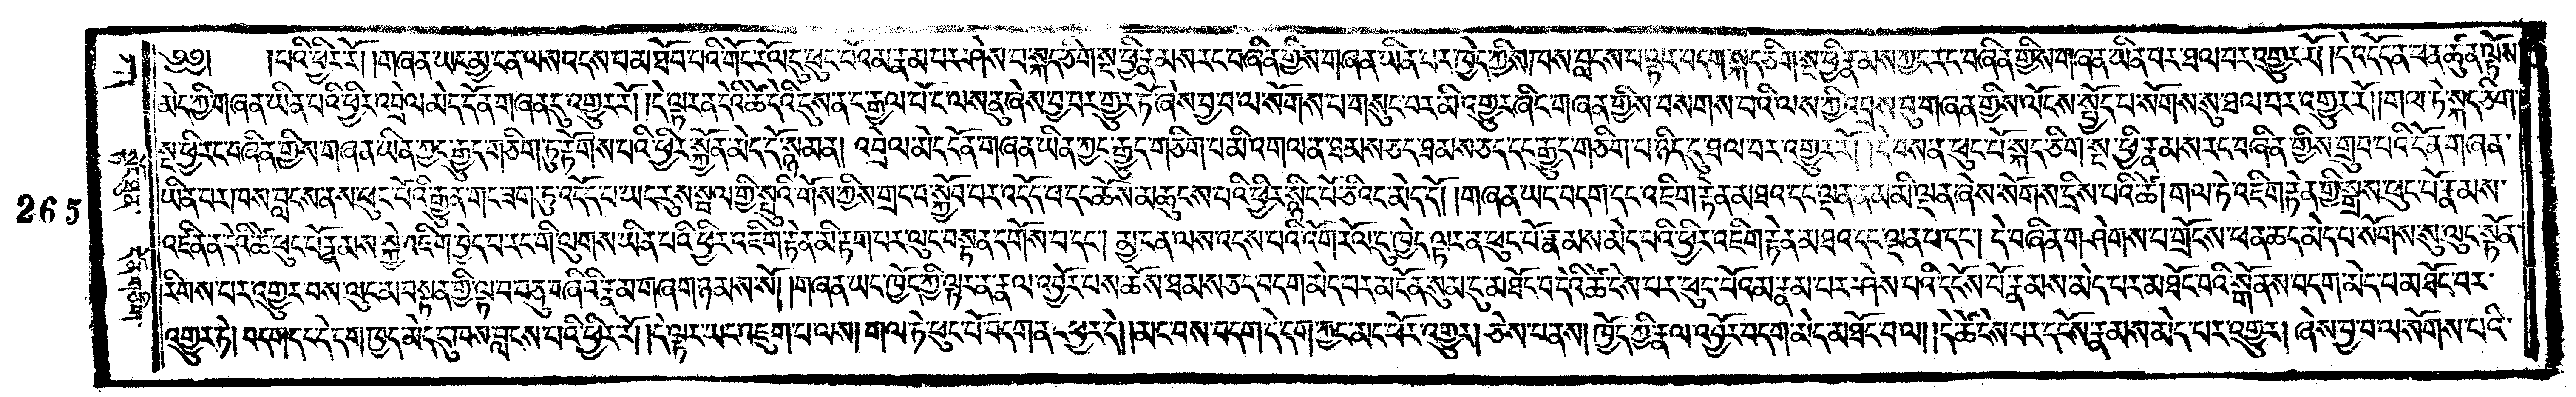༄༅། །པའི་ཕྱིར་རོ། །གཞན་ཡང་མྱ་ངན་ལས་འདས་པ་མཐོབ་པའི་གོང་རོལ་དུ་ཕུང་པོའམ་རྣམ་པར་ཤེས་པ་སྐད་ཅིག་སྔ་ཕྱི་རྣམས་རང་བཞིན་གྱིས་གཞན་ཡིན་པར་ཁྱེད་ཀྱིས་ཁས་བླངས་པ་ལྟར་བདག་སྐད་ཅིག་སྔ་ཕྱི་རྣམས་ཀྱང་རང་བཞིན་གྱིས་གཞན་ཡིན་པར་ཐལ་བར་འགྱུར་རོ། །དེ་འདོད་ན་ཕན་ཚུན་ལྟོས་
མེད་ཀྱི་གཞན་ཡིན་པའི་ཕྱིར་འབྲེལ་མེད་དོན་གཞན་དུ་འགྱུར་རོ། །དེ་ལྟར་ན་དེའི་ཚེ་དེའི་དུས་ན་ང་རྒྱལ་པོ་ང་ལས་ནུ་ཞེས་བྱ་བར་གྱུར་ཏོ་ཞེས་བྱ་བ་ལ་སོགས་པ་གསུང་བར་མི་འགྱུར་ཞིང་གཞན་གྱིས་བསགས་པའི་ལས་ཀྱི་འབྲས་བུ་གཞན་གྱིས་ལོངས་སྤྱོད་པ་སོགས་སུ་ཐལ་བར་འགྱུར་རོ། །གལ་ཏེ་སྐད་ཅིག་
སྔ་ཕྱི་རང་བཞིན་གྱིས་གཞན་ཡིན་ཀྱང་རྒྱུད་གཅིག་ཏུ་རྟོགས་པའི་ཕྱིར་སྐྱོན་མེད་དོ་སྙམ་ན། འབྲེལ་མེད་དོན་གཞན་ཡིན་ཀྱང་རྒྱུད་གཅིག་པ་མི་འགལ་ན་ཐམས་ཅད་ཐམས་ཅད་དང་རྒྱུད་གཅིག་པ་ཉིད་དུ་ཐལ་བར་འགྱུར་རོ། །དེ་བས་ན་ཕུང་པོ་སྐད་ཅིག་སྔ་ཕྱི་རྣམས་རང་བཞིན་གྱིས་གྲུབ་པའི་དོན་གཞན་
ཡིན་པར་ཁས་བླངས་ནས་ཕུང་པོའི་རྒྱུན་གང་ཟག་ཏུ་འདོད་པ་ཡང་རུས་སྦལ་གྱི་སྤུའི་གོས་ཀྱིས་གྲང་བ་སྐྱོབ་པར་འདོད་པ་དང་ཆོས་མཆུངས་པའི་ཕྱིར་སྙིང་པོ་ཅིའང་མེད་དོ། །གཞན་ཡང་བདག་དང་འཇིག་རྟེན་མཐའ་དང་ལྡན་ནམ་མི་ལྡན་ཞེས་སོགས་དྲིས་པའི་ཚེ། གལ་ཏེ་འཇིག་རྟེན་གྱི་སྒྲས་ཕུང་པོ་རྣམས་
འཛིན་ན་དེའི་ཚེ་ཕུང་པོ་རྣམས་སྐྱེ་འཇིག་བྱེད་པ་རང་གི་ལུགས་ཡིན་པའི་ཕྱིར་འཇིག་རྟེན་མི་རྟག་པར་ལུང་བསྟན་དགོས་བ་དང་། མྱ་ངན་ལས་འདས་པའི་འོག་རོལ་དུ་ཁྱེད་ལྟར་ན་ཕུང་པོ་རྣམས་མེད་པའི་ཕྱིར་འཇིག་རྟེན་མཐའ་དང་ལྡན་པ་དང་། དེ་བཞིན་གཤེགས་པ་གྲོངས་ཕན་ཆད་མེད་པ་སོགས་སུ་ལུང་སྟོན་
རིགས་པར་འགྱུར་བས་ལུང་མ་བསྟན་གྱི་ལྟ་བ་བཅུ་བཞིའི་རྣམ་གཞག་ཉམས་སོ། །གཞན་ཡང་ཁྱོད་ཀྱི་ལྟར་ན་རྣལ་འབྱོར་པས་ཆོས་ཐམས་ཅད་བདག་མེད་པར་མངོན་སུམ་དུ་མཐོང་པ་དེའི་ཚེ་ངེས་པར་ཕུང་པོའམ་རྣམ་པར་ཤེས་པའི་དངོས་པོ་རྣམས་མེད་པར་མཐོང་བའི་སྒོ་ནས་བདག་མེད་པ་མཐོང་བར་
འགྱུར་ཏེ། བདག་དང་དེ་དག་ཁྱད་མེད་དུ་ཁས་བླངས་པའི་ཕྱིར་རོ། །དེ་ལྟར་ཡང་འཇུག་པ་ལས། གལ་ཏེ་ཕུང་པོ་བདག་ནང་ཕྱིར་དེ། །མང་བས་བདག་དེ་དག་ཀྱང་མང་ཕོར་འགྱུར། ཅེས་པ་ནས། ཁྱོད་ཀྱི་རྣལ་འབྱོར་བདག་མེད་མཐོང་བ་ལ། །དེ་ཚེ་ངེས་པར་དངོས་རྣམས་མེད་པར་འགྱུར། ཞེས་བྱ་བ་ལ་སོགས་པའི་